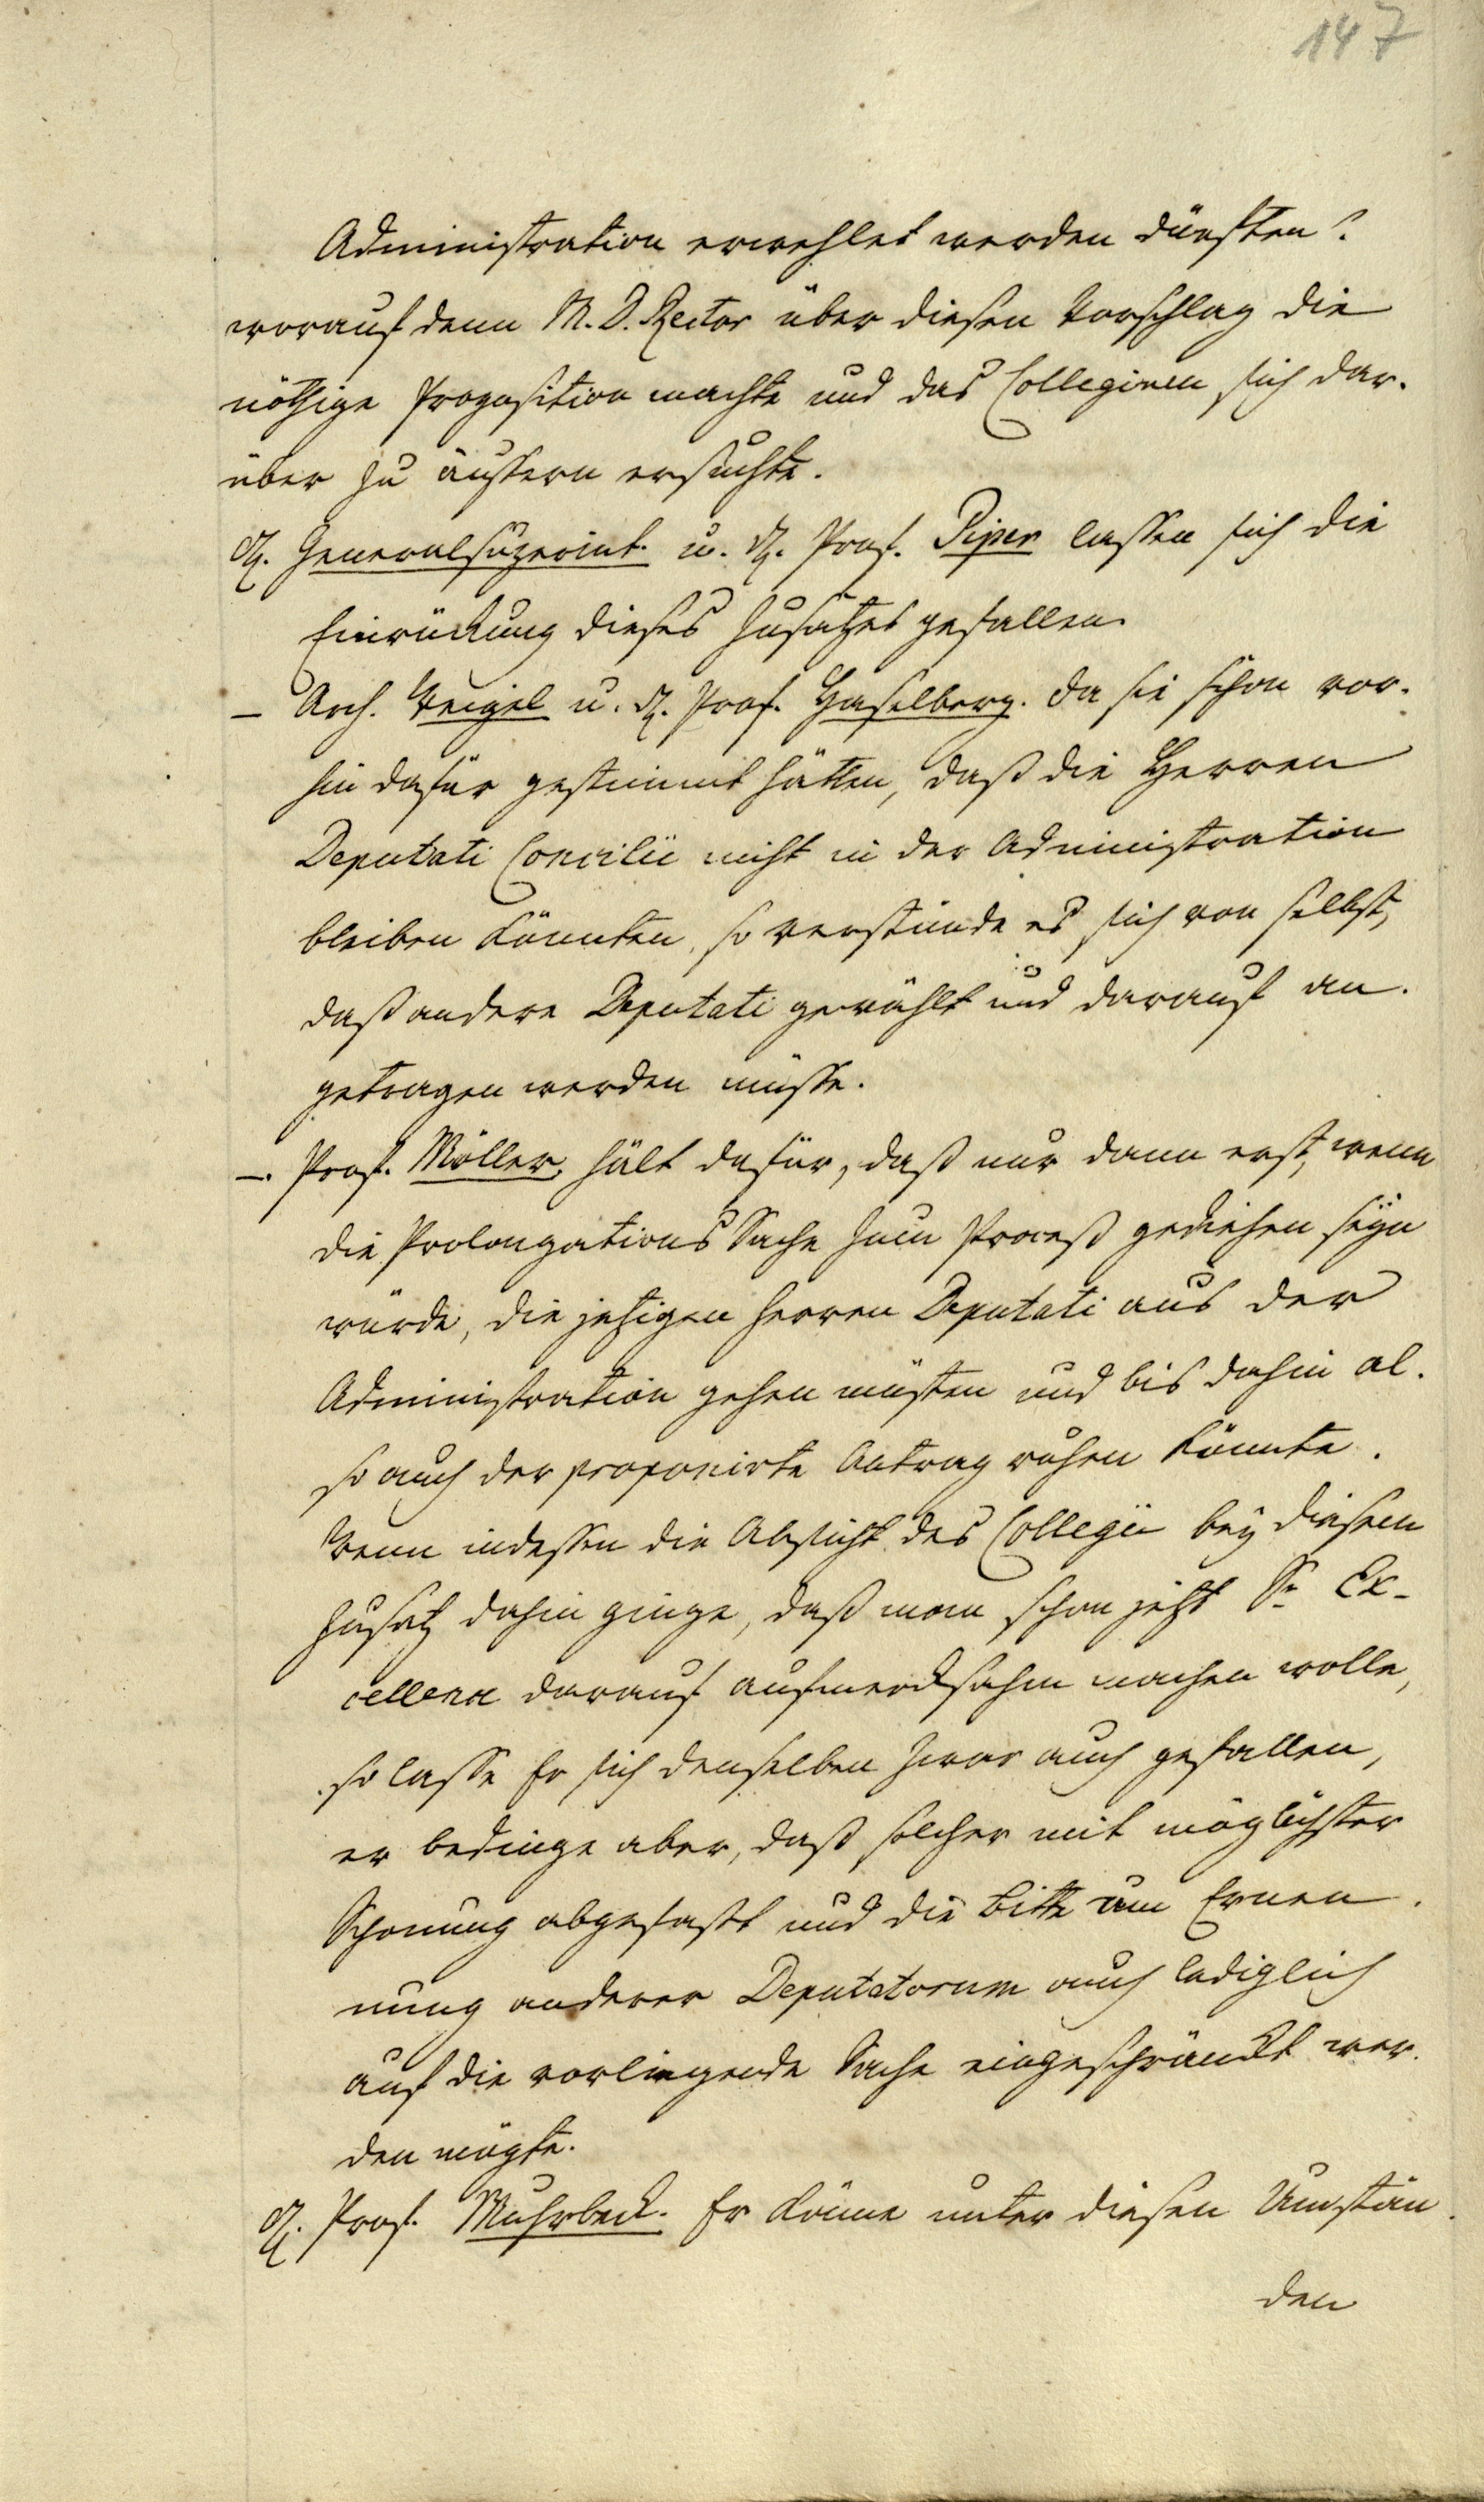Administration erwehlet werden dürften ?
worauf denn M. D. Rector über diesen Vorschlag die
nöthige Proposition machte und das Collegium sich dar¬
über zu äussern ersuchte.
dh. Generalsuperint u. dh. Prof. Piper lassen sich die
Einrückung dieses Zusatzes gefallen.
Arch. Weigel u. dh. Prof. Haselberg. da sie schon vor¬
hin dafür gestimmt hätten, daß die Herren
Deputati Concilii nicht in der Administration
bleiben könnten, so verstünde es sich von selbst,
daß andere Deputati gewählt und darauf an¬
getragen werden müsse.
Prof. Möller hält dafür, daß nur dann erst, wenn
die Prolongations Sache zum Proceß gediehen seÿn
würde, die jetzigen Herren Deputati aus der
Administration gehen müßten und bis dahin al¬
so auch der proponirte Antrag ruhen könnte.
Wenn indessen die Absicht des Collegii beÿ diesem
Zusatz dahin ginge, daß man schon jetzt Sr Ex¬
cellence darauf aufmerksahm machen wolle,
so lasse Er sich denselben zwar auch gefallen,
er bedinge aber, daß solcher mit möglichster
Schonung abgefaßt und die Bitte um Ernen¬
nung anderer Deputatorum auch lediglich
auf die vorliegende Sache eingeschränckt wer¬
den mögte.
dh. Prof. Muhrbeck. Er könne unter diesen Umstän¬
den